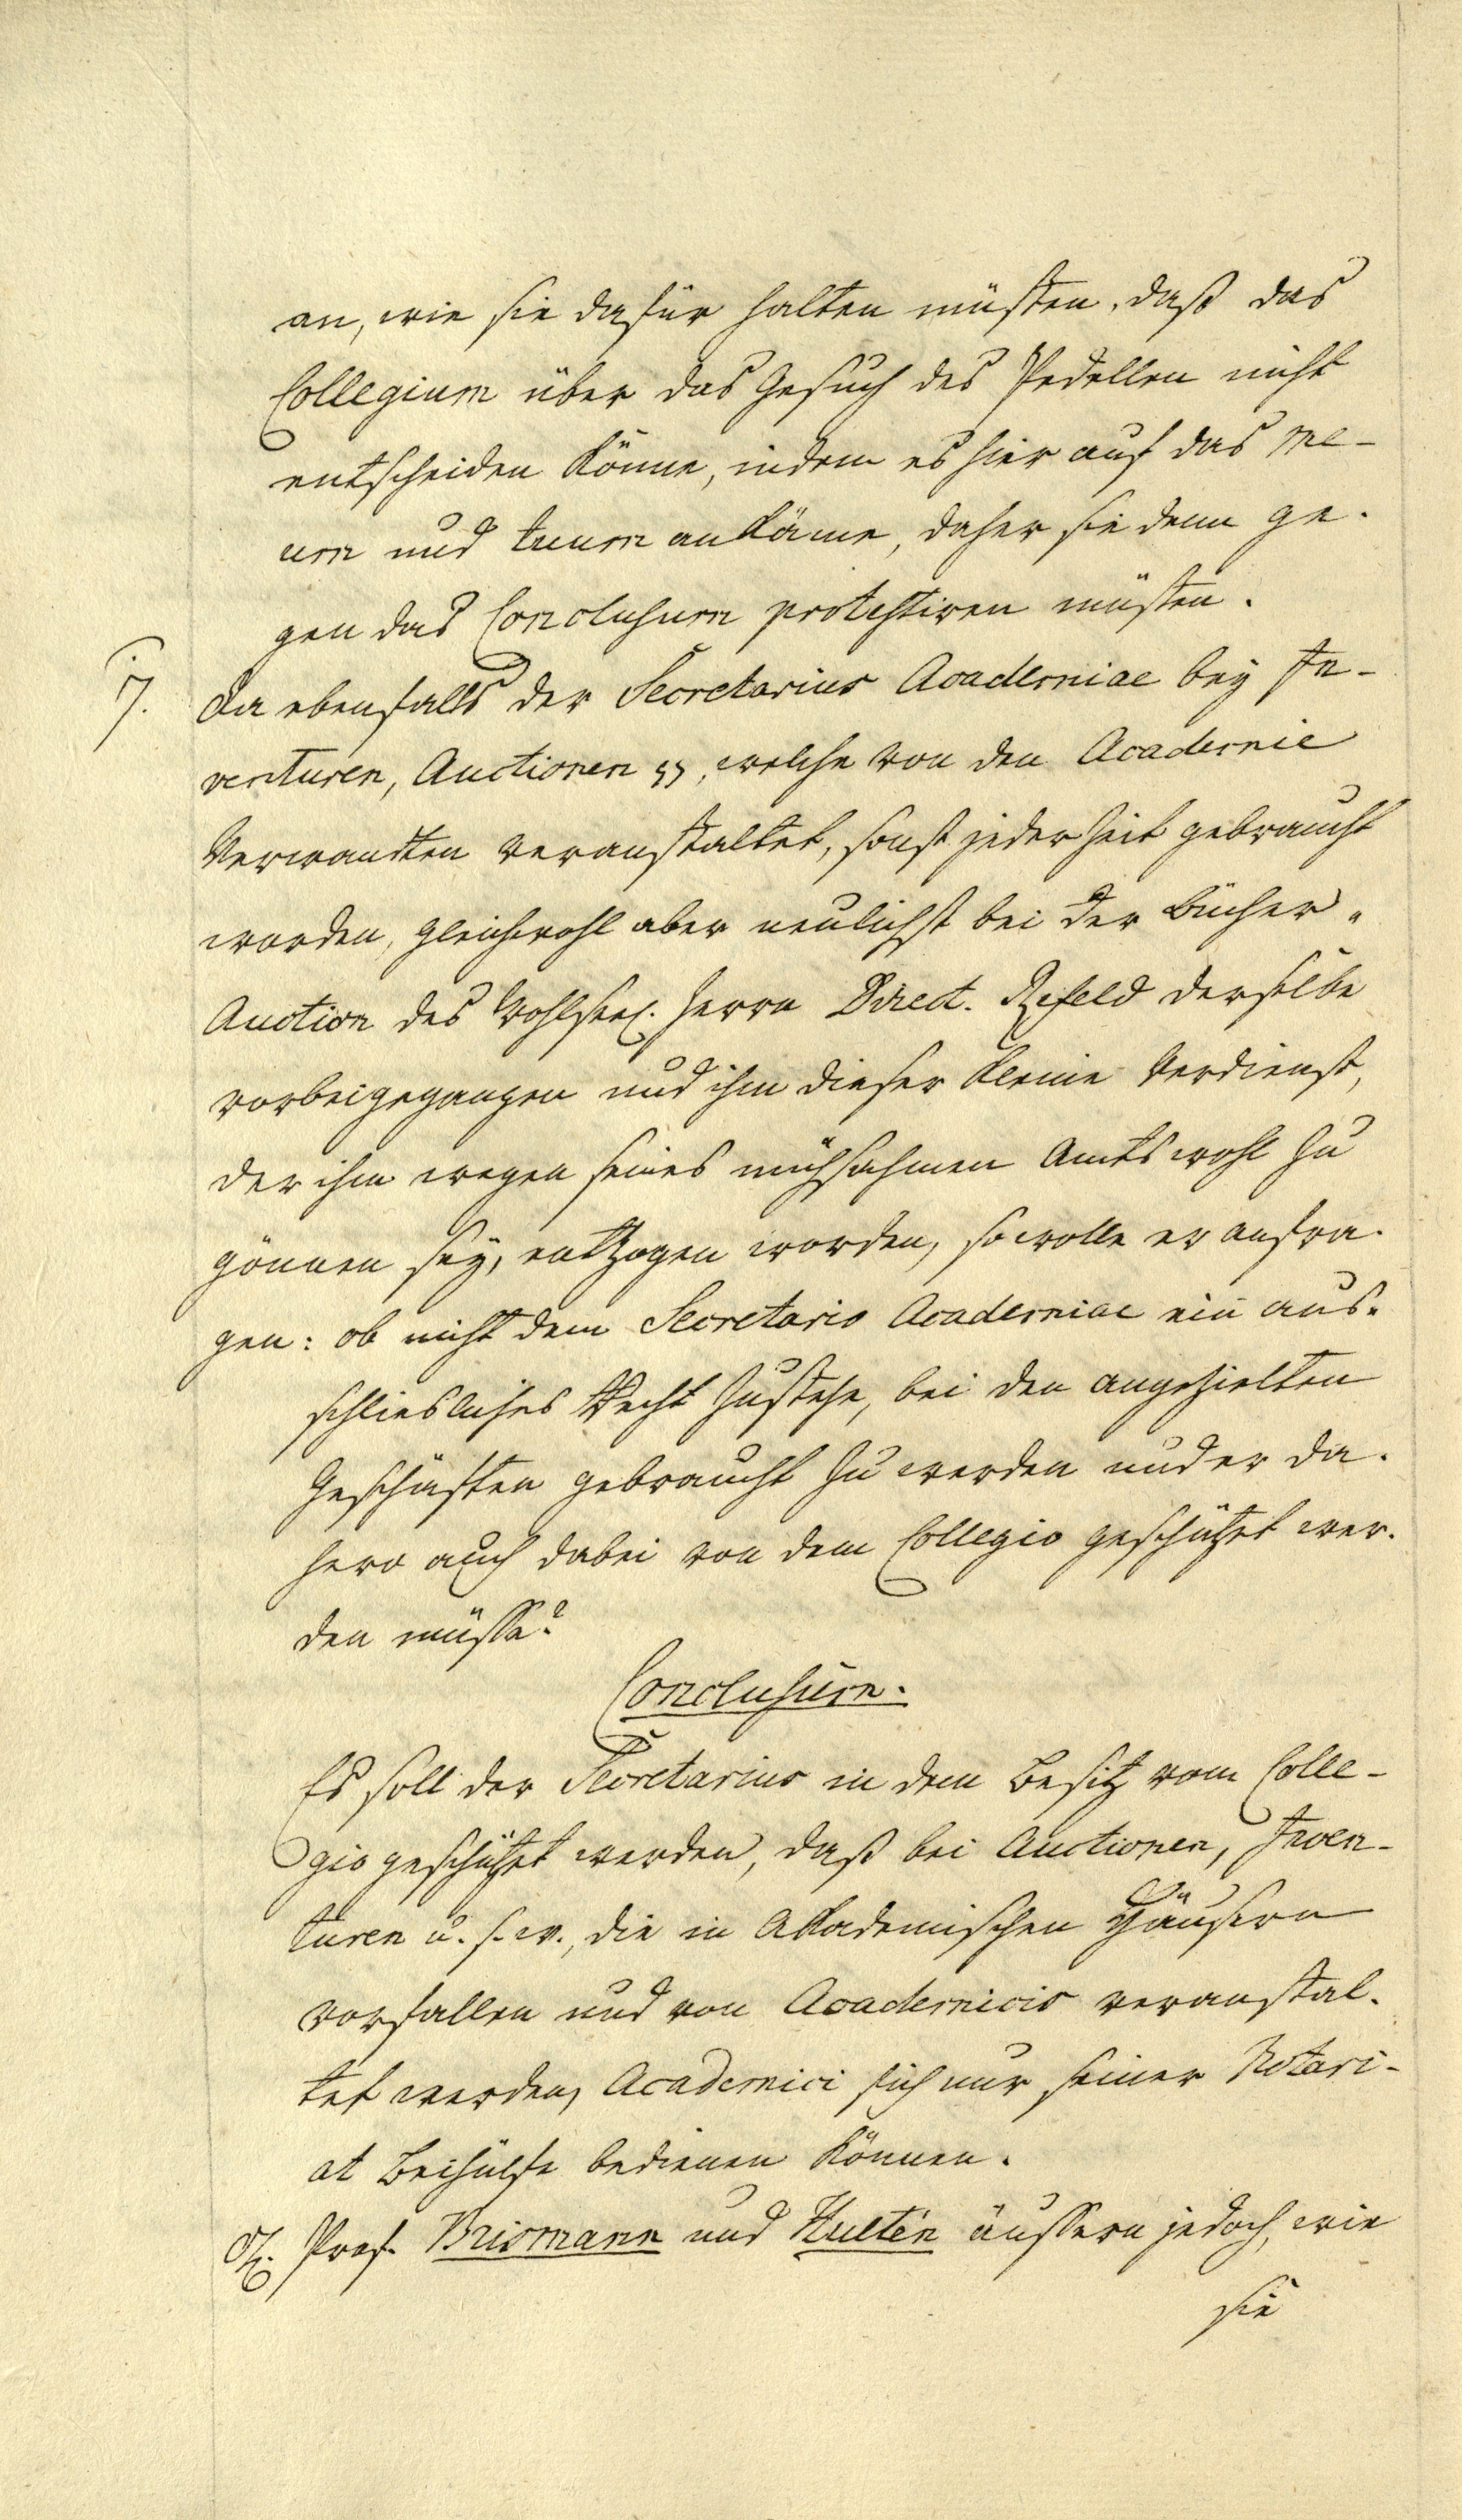an, wie sie dafür halten müßten, daß das
Collegium über das Gesuch des Pedellen nicht
entscheiden könne, indem es hier auf das me¬
um und tuum ankäme, daher sie denn ge¬
gen das Conclusum protestiren müßten.
7. Da ebenfalls der Secretarius Academiae bey In¬
venturen, Auctionen, welche von den Academie
Verwandten veranstaltet, sonst jeder Zeit gebraucht
worden, gleichwohl aber neulichst bei der Bücher¬
Auction des Wohlseel. Herrn Direct. Refeld derselbe
vorbeigegangen und ihm dieser kleine Verdienst,
der ihm wegen seines mühsahmen Amts wohl zu
gönnen seÿ, entzogen worden, so wolle er anfra¬
gen: ob nicht dem Secretario Academiae ein aus¬
schliesliches Recht zustehe, bei den angezielten
Geschäften gebraucht zu werden und er da¬
hero auch dabei von dem Collegio geschützet wer¬
den müsse?
Conclusum.
Es soll der Secretarius in dem Besitz vom Colle¬
gio geschützet werden, daß bei Auctionen, Inven¬
turen u. s. w., die in Akademischen Häusern
vorfallen und von Academicis veranstal¬
tet werden, Academici sich nur seiner Notari¬
at Beihülfe bedienen können.
dh. Prof. Brismann und Hultén äussern jedoch, wie
sie